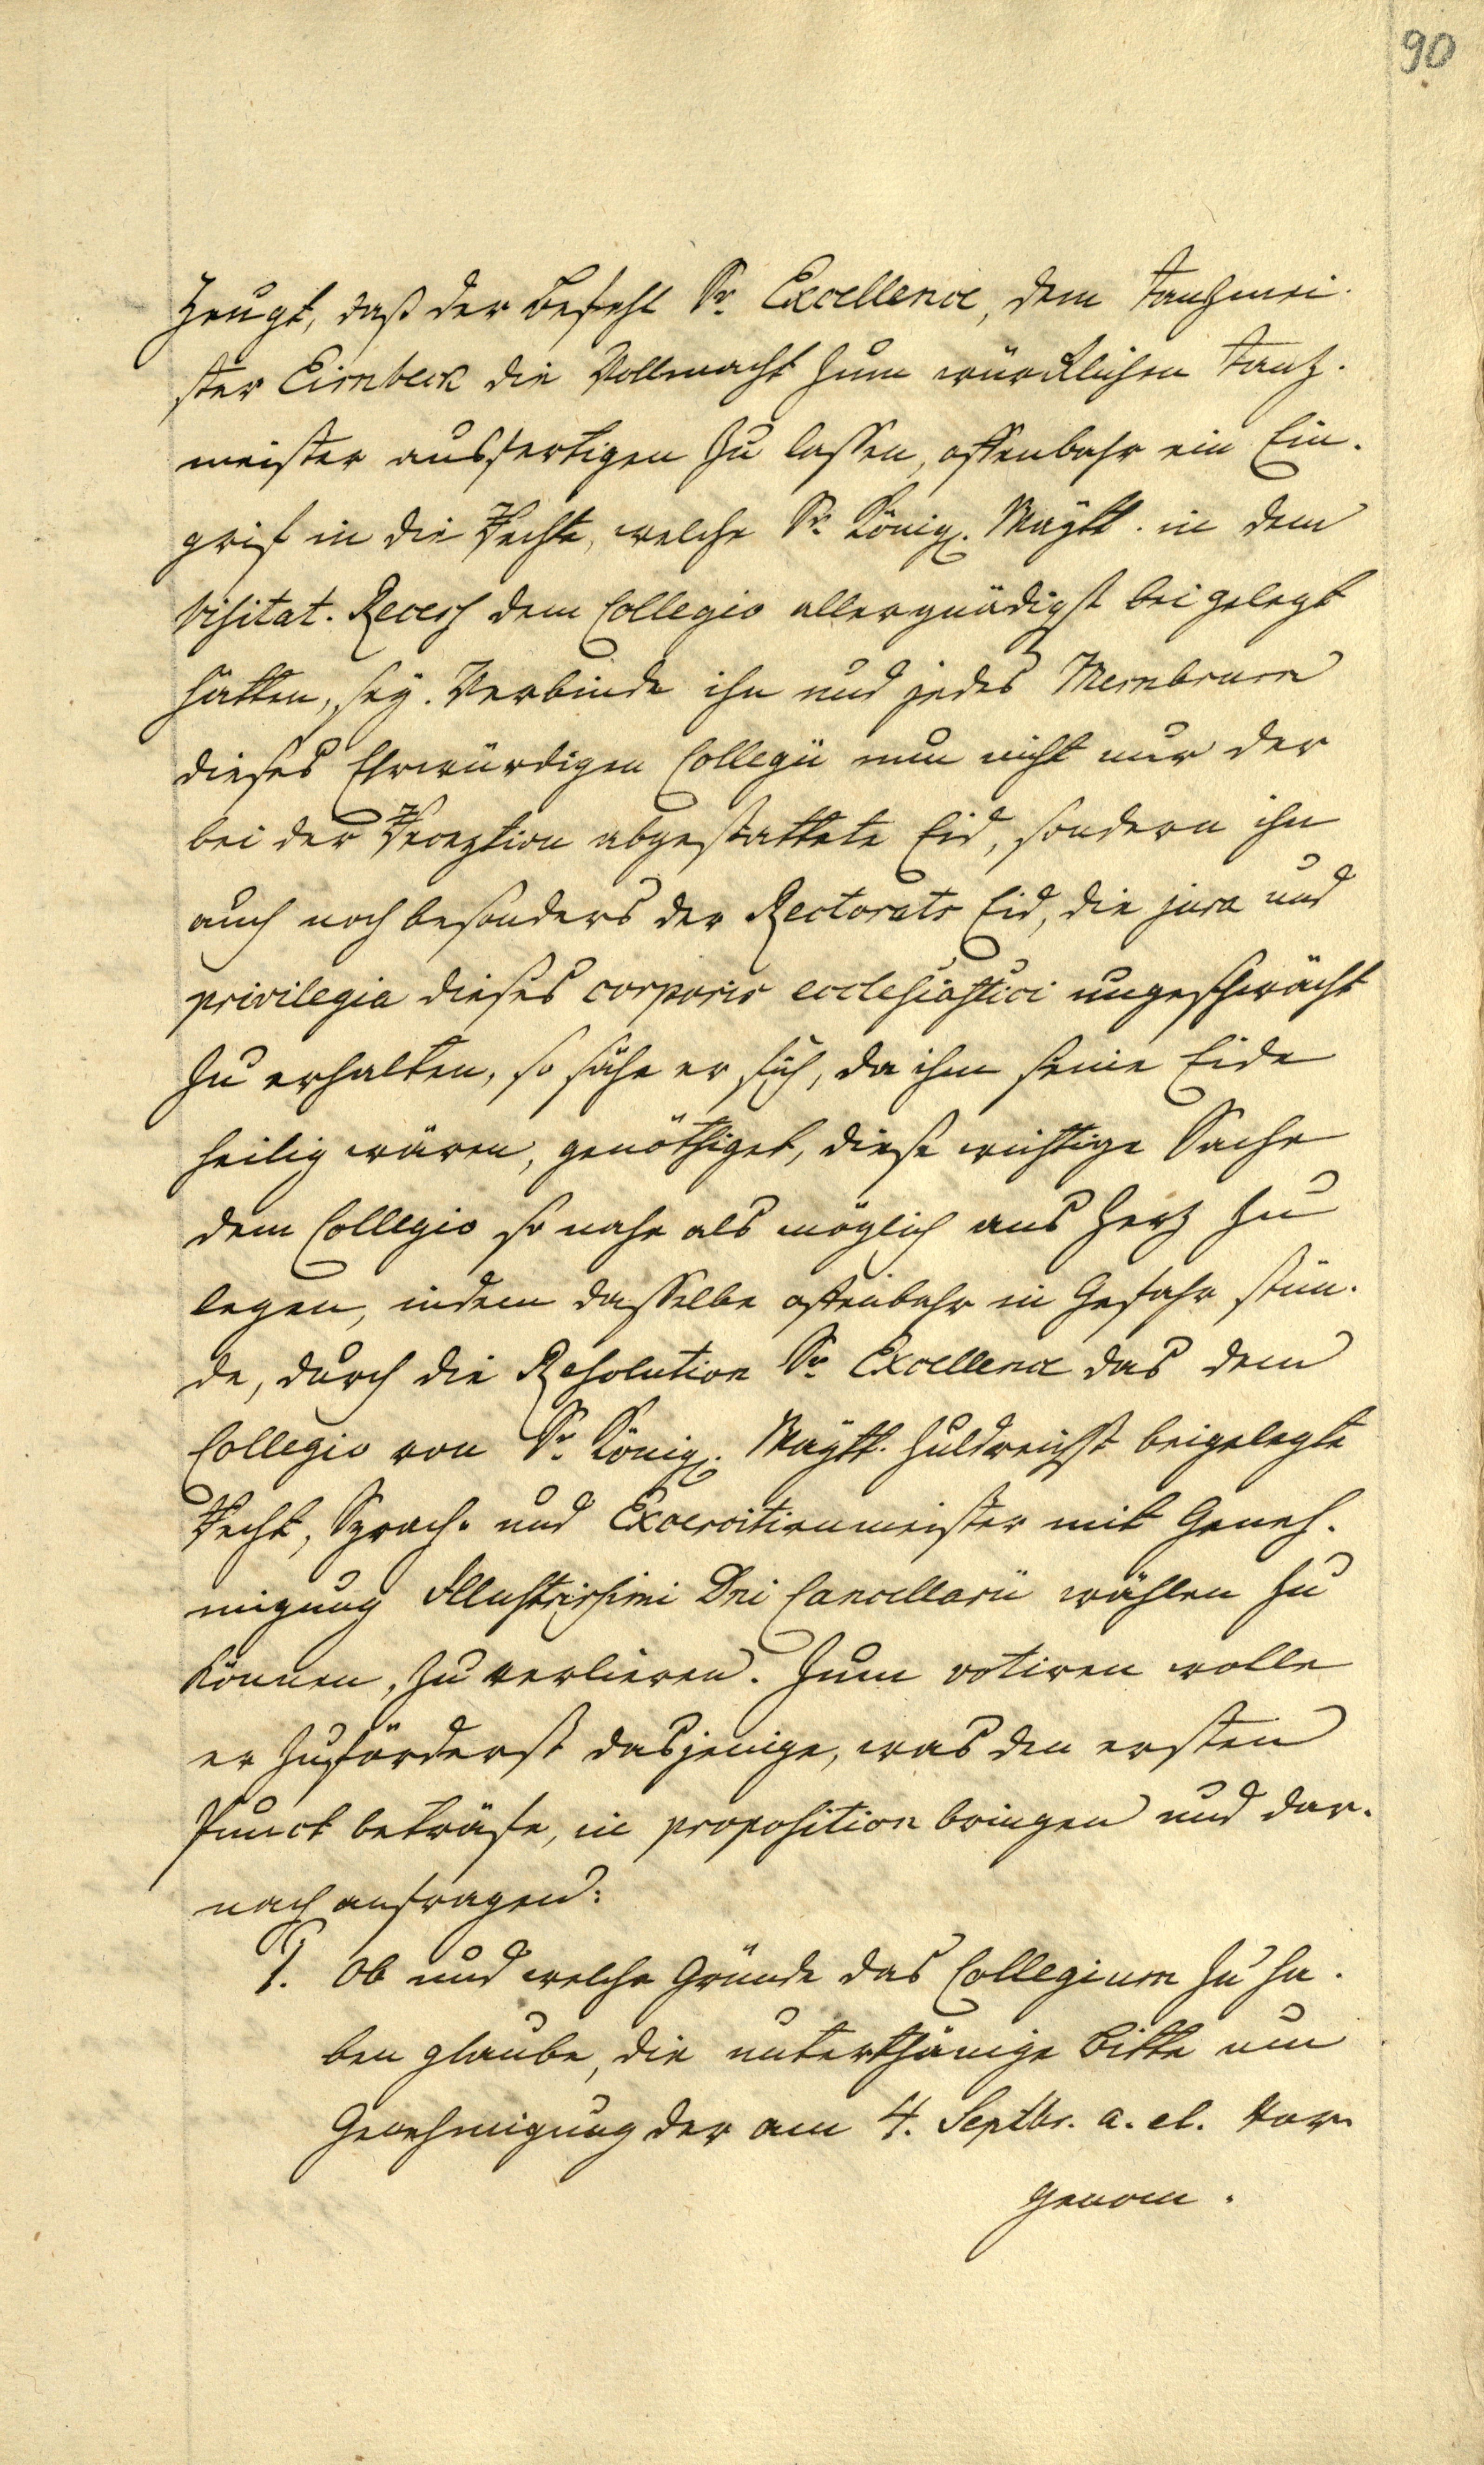zeugt, daß der Befehl Sr Excellence, dem Tanzmei¬
ster Eimbeck die Vollmacht zum würcklichen Tanz¬
meister ausfertigen zu lassen, offenbahr ein Ein¬
grif in die Rechte, welche Sr Königl. Maytt., in dem
Visitat. Recess dem Collegio allergnädigst bei gelegt
hätten, seÿ. Verbinde ihn und jedes Membrum
dieses Ehrwürdigen Collegii nun nicht nur der
bei der Reception abgestattete Eid, sondern ihn
auch noch besonders der Rectorats Eid, die jura und
privilegia dieses corporis ecclesiastici ungeschwächt
zu erhalten, so sähe er sich, da ihm seine Eide
heilig wären, genöthiget, diese wichtige Sache
dem Collegio so nahe als möglich ans Herz zu
legen, indem dasselbe offenbahr in Gefahr stün¬
de, durch die Resolution Sr Excellence das dem
Collegio von Sr. Königl. Maÿtt. huldreichst beigelegte
Recht Sprach- und Excercitienmeister mit Geneh¬
migung Illustrissimi Dni Cancellarii wählen zu
können, zu verlieren. Zum votiren wolle
er zuförderst dasjenige, was den ersten
Punct beträfe, in proposition bringen und dar¬
nach anfragen:
1. Ob und welche Gründe das Collegium zu ha¬
ben glaube, die unterthänige Bitte um
Genehmigung der am 4. Septbr. a. et. vor¬
genom